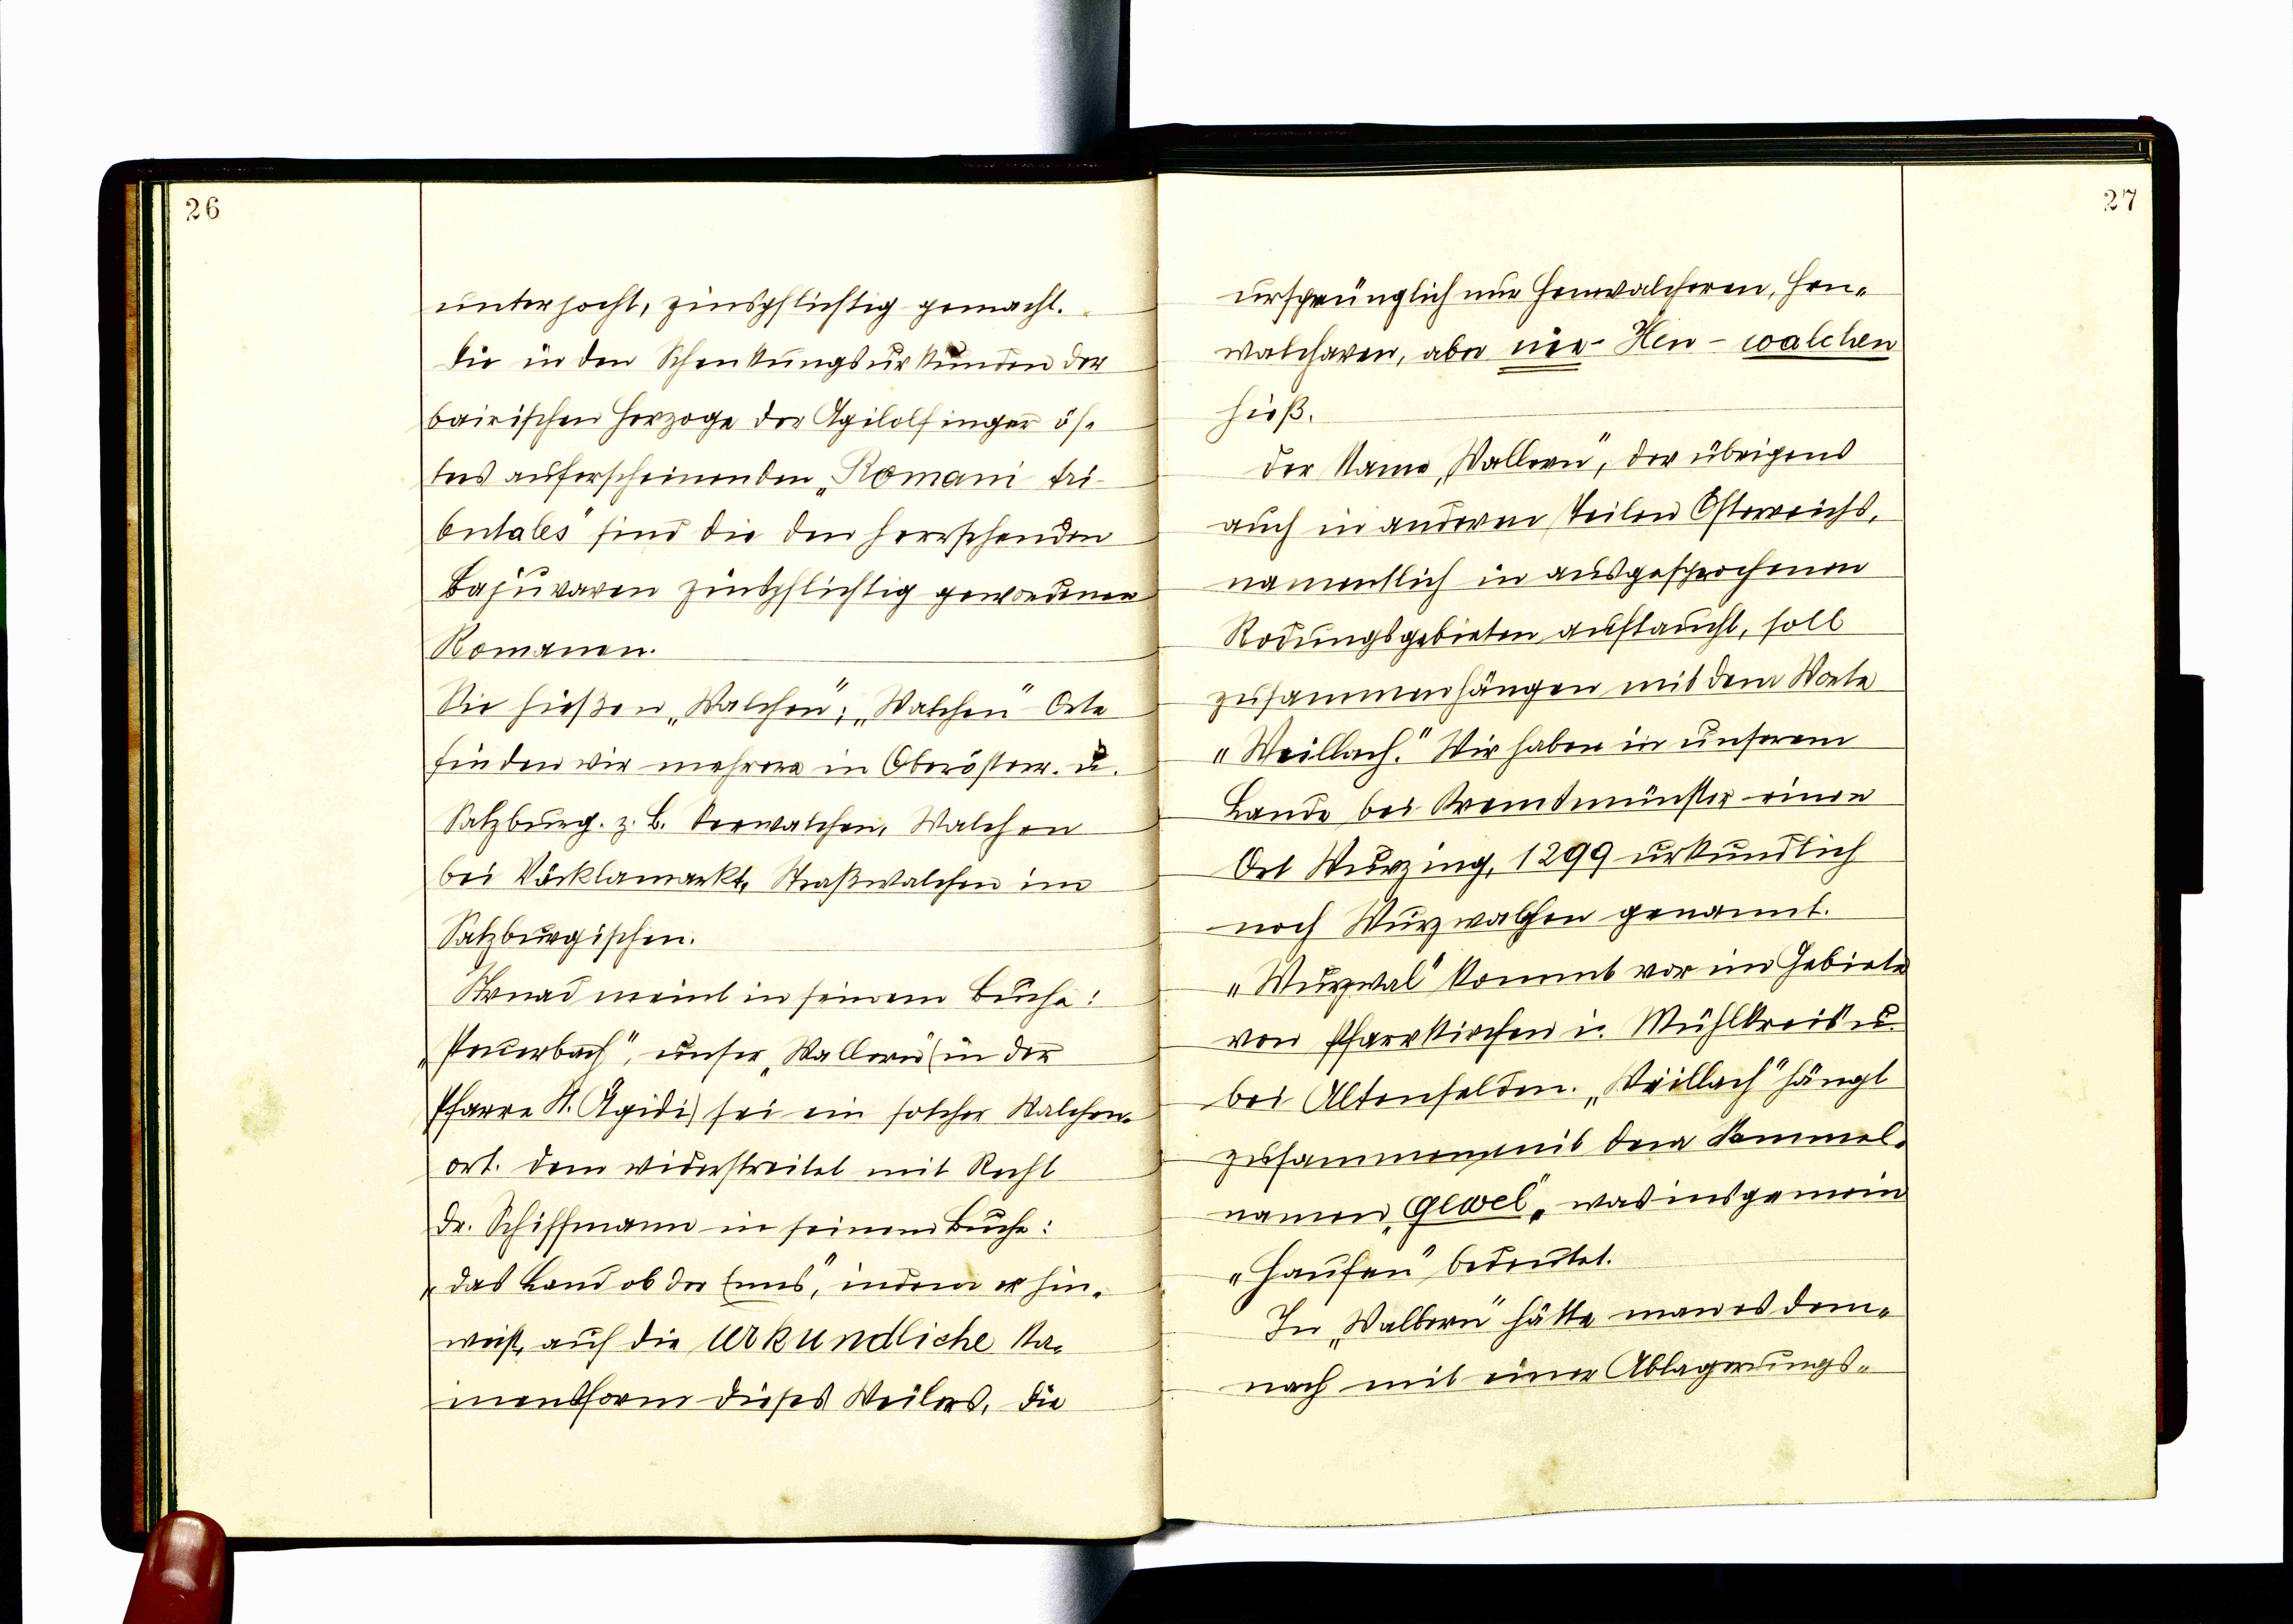unterjocht, zinspflichtig gemacht.
Die in den Schenkungsurkunden der
bairischen Herzoge der Agilolfinger öf-
ters auferscheinenden „Romani tri-
butales“ sind die den herrschenden
bayjuwaren zinspflichtig gewordenen
Romanen.
Sie hießen „Walchen“; „Watchen“ Orte
finden wir mehrere ín Oberösterr. u.
Salzburg z.B. Seewalchen, Walchen
bei Vöklamarkt, Straßwalchen imbei Vöklamarkt, Straßwalchen im
Salzburgischen.
Strnad meint in seinem Buche:
„Peuerbach“, unser Wallern“ (in der
Pfarre St. Ägidi) sei ein solcher Walchen-
ort. Dem widerstreitet mit Recht
Dr. Schiffmann in seinem Buche:
„Das Land ob der Enns“, indem er hin-
weist, auf die urkundliche Na-
mensform diese Weilers, die
ursprünglich nur Henwalcheren, Hen-
walcharen, aber nie Hen-walchen
hieß.
Der Name „Wallern“, der übrigens
auch in anderen Teilen Österreichs,
namentlich in ausgesprochenen
Rodungsgebieten auftaucht, soll
zusammenhängen mit dem Worte
„Weillach“, Wir haben in unserem
Lande bei Kremsmünster einen
Ort Wurzing, 1299 urkundlich
noch Wurzwalchen genannt.
„Wurzwal“ kommt vor im Gebiete
von Pfarrkirchen i. Mühlkreis u.
bei Altenfelden, „Weillach“ hängt
zusammen mit dem Sammel-
namen „Gewel“, was insgemein
„Haufen“ bedeutet.
In „Wallern“ hätte man es dem-
nach mit einer Ablagerungs-